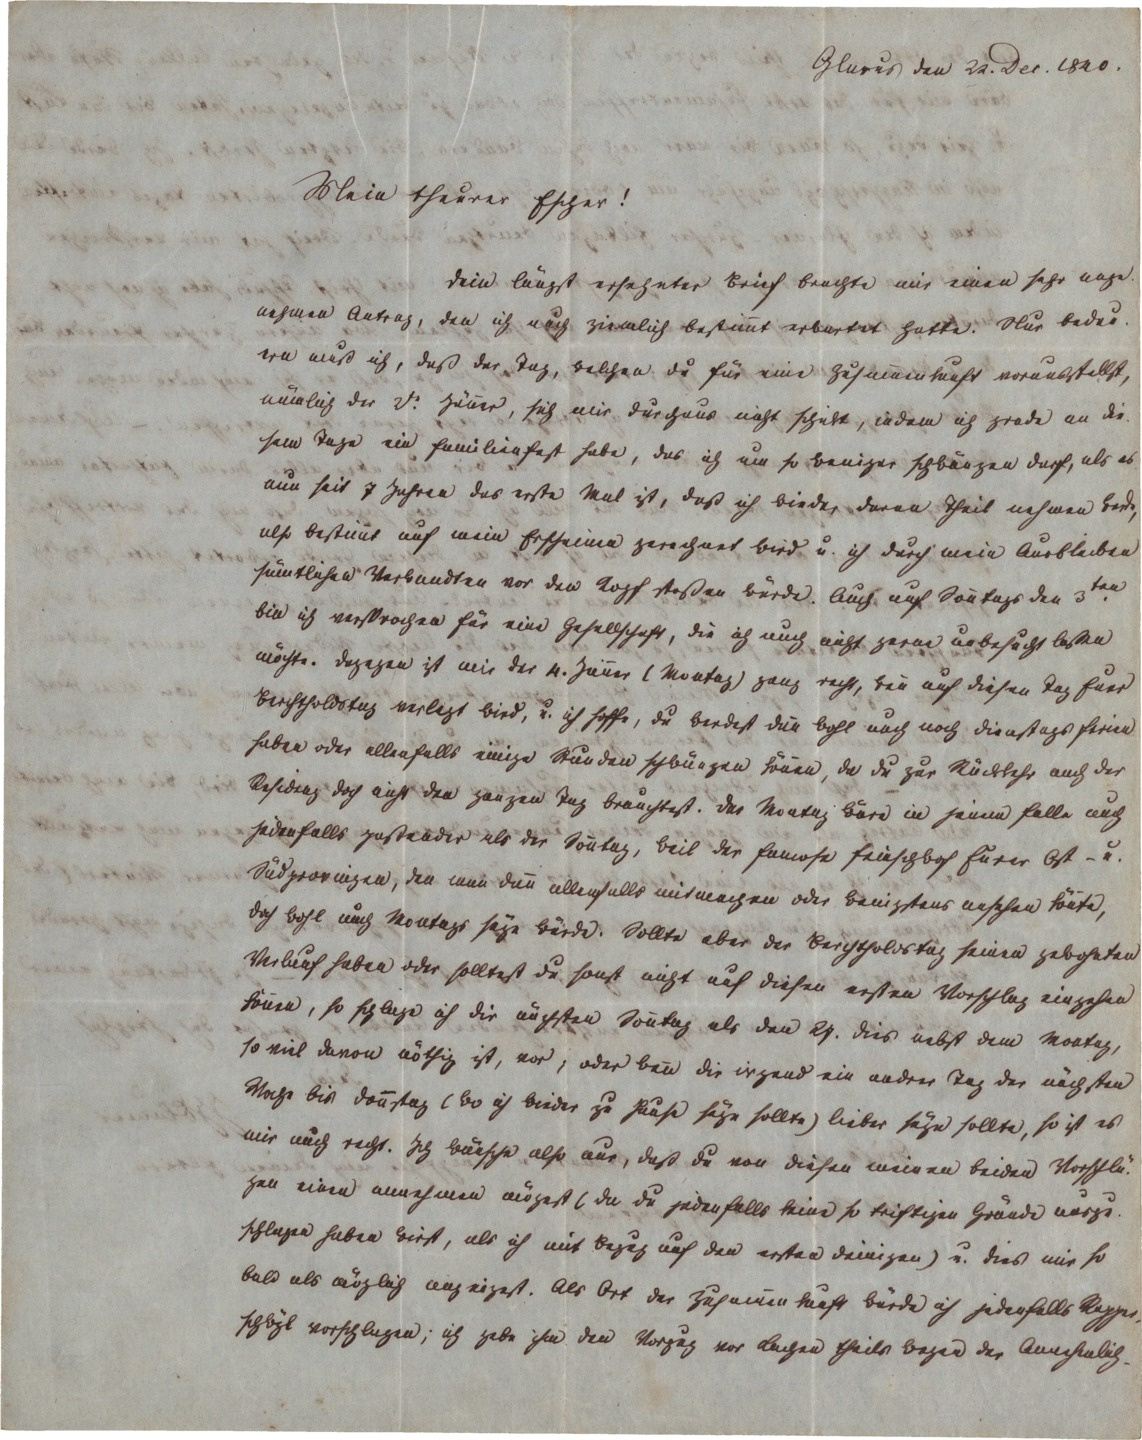Glarus den 22. Dec. 1840.
Mein theurer Escher!
Dein längst ersehnter Brief brachte mir einen sehr ange-
nehmen Antrag, den ich auch ziemlich bestimmt erwartet hatte. Nur bedau-
ern muß ich, daß der Tag, welchen du für eine Zusammenkunft vorausstellst,
nämlich der 2te Jänner, sich mir durchaus nicht schickt, indem ich grade an die-
sem Tage ein Familienfest habe, das ich um so weniger schwänzen darf, als es
nun seit 7 Jahren das erste Mal ist, daß ich wieder daran Theil nehmen werde,
also bestimmt auf mein Erscheinen gerechnet wird u. ich durch mein Ausbleiben
sämtlichen Verwandten vor den Kopf stoßen würde. Auch auf Sonntags den 3ten
bin ich versprochen für eine Gesellschaft, die ich auch nicht gerne unbesucht lassen
möchte. Dagegen ist mir der 4. Jänner (Montag) ganz recht, wenn auf diesen Tag Euer
Berchtholdstag verlegt wird, u. ich hoffe, du werdest dann wohl auch noch Dienstags Ferien
haben oder allenfalls einige Stunden schwänzen können, da du zur Rückkehr nach der
Residenz doch nicht den ganzen Tag brauchtest. Der Montag wäre in jenem Falle auch
jedenfalls passender als der Sonntag, weil der famose Feinschwof Eurer Ost- u.
Südprovinzen, den man dann allenfalls mitmachen oder wenigstens ansehen könnte,
doch wohl auch Montag seyn würde. Sollte aber der Berchtholdstag seinen gewohnten
Verlauf haben oder solltest du sonst nicht auf diesen ersten Vorschlag eingehen
können, so schlage ich dir nächsten Sonntag als den 27. dies nebst dem Montag,
so viel davon nötig ist, vor, oder wenn dir irgend ein andrer Tag der nächsten
Woche bis Donnstag (wo ich wieder zu Hause seyn sollte) lieber seyn sollte, so ist es
mir auch recht. Ich wünsche also nur, daß du von diesen meinen beiden Vorschlä-
gen einen annehmen mögest (da du jedenfalls keine so triftigen Gründe auszu-
schlagen haben wirst, als ich mit Bezug auf den ersten deinigen) u. dies mir so
bald als möglich anzeigest. Als Ort der Zusammenkunft würde ich jedenfalls Rapper-
schwyl vorschlagen; ich gebe ihm den Vorzug vor Lachen theils wegen der Annehmlich-